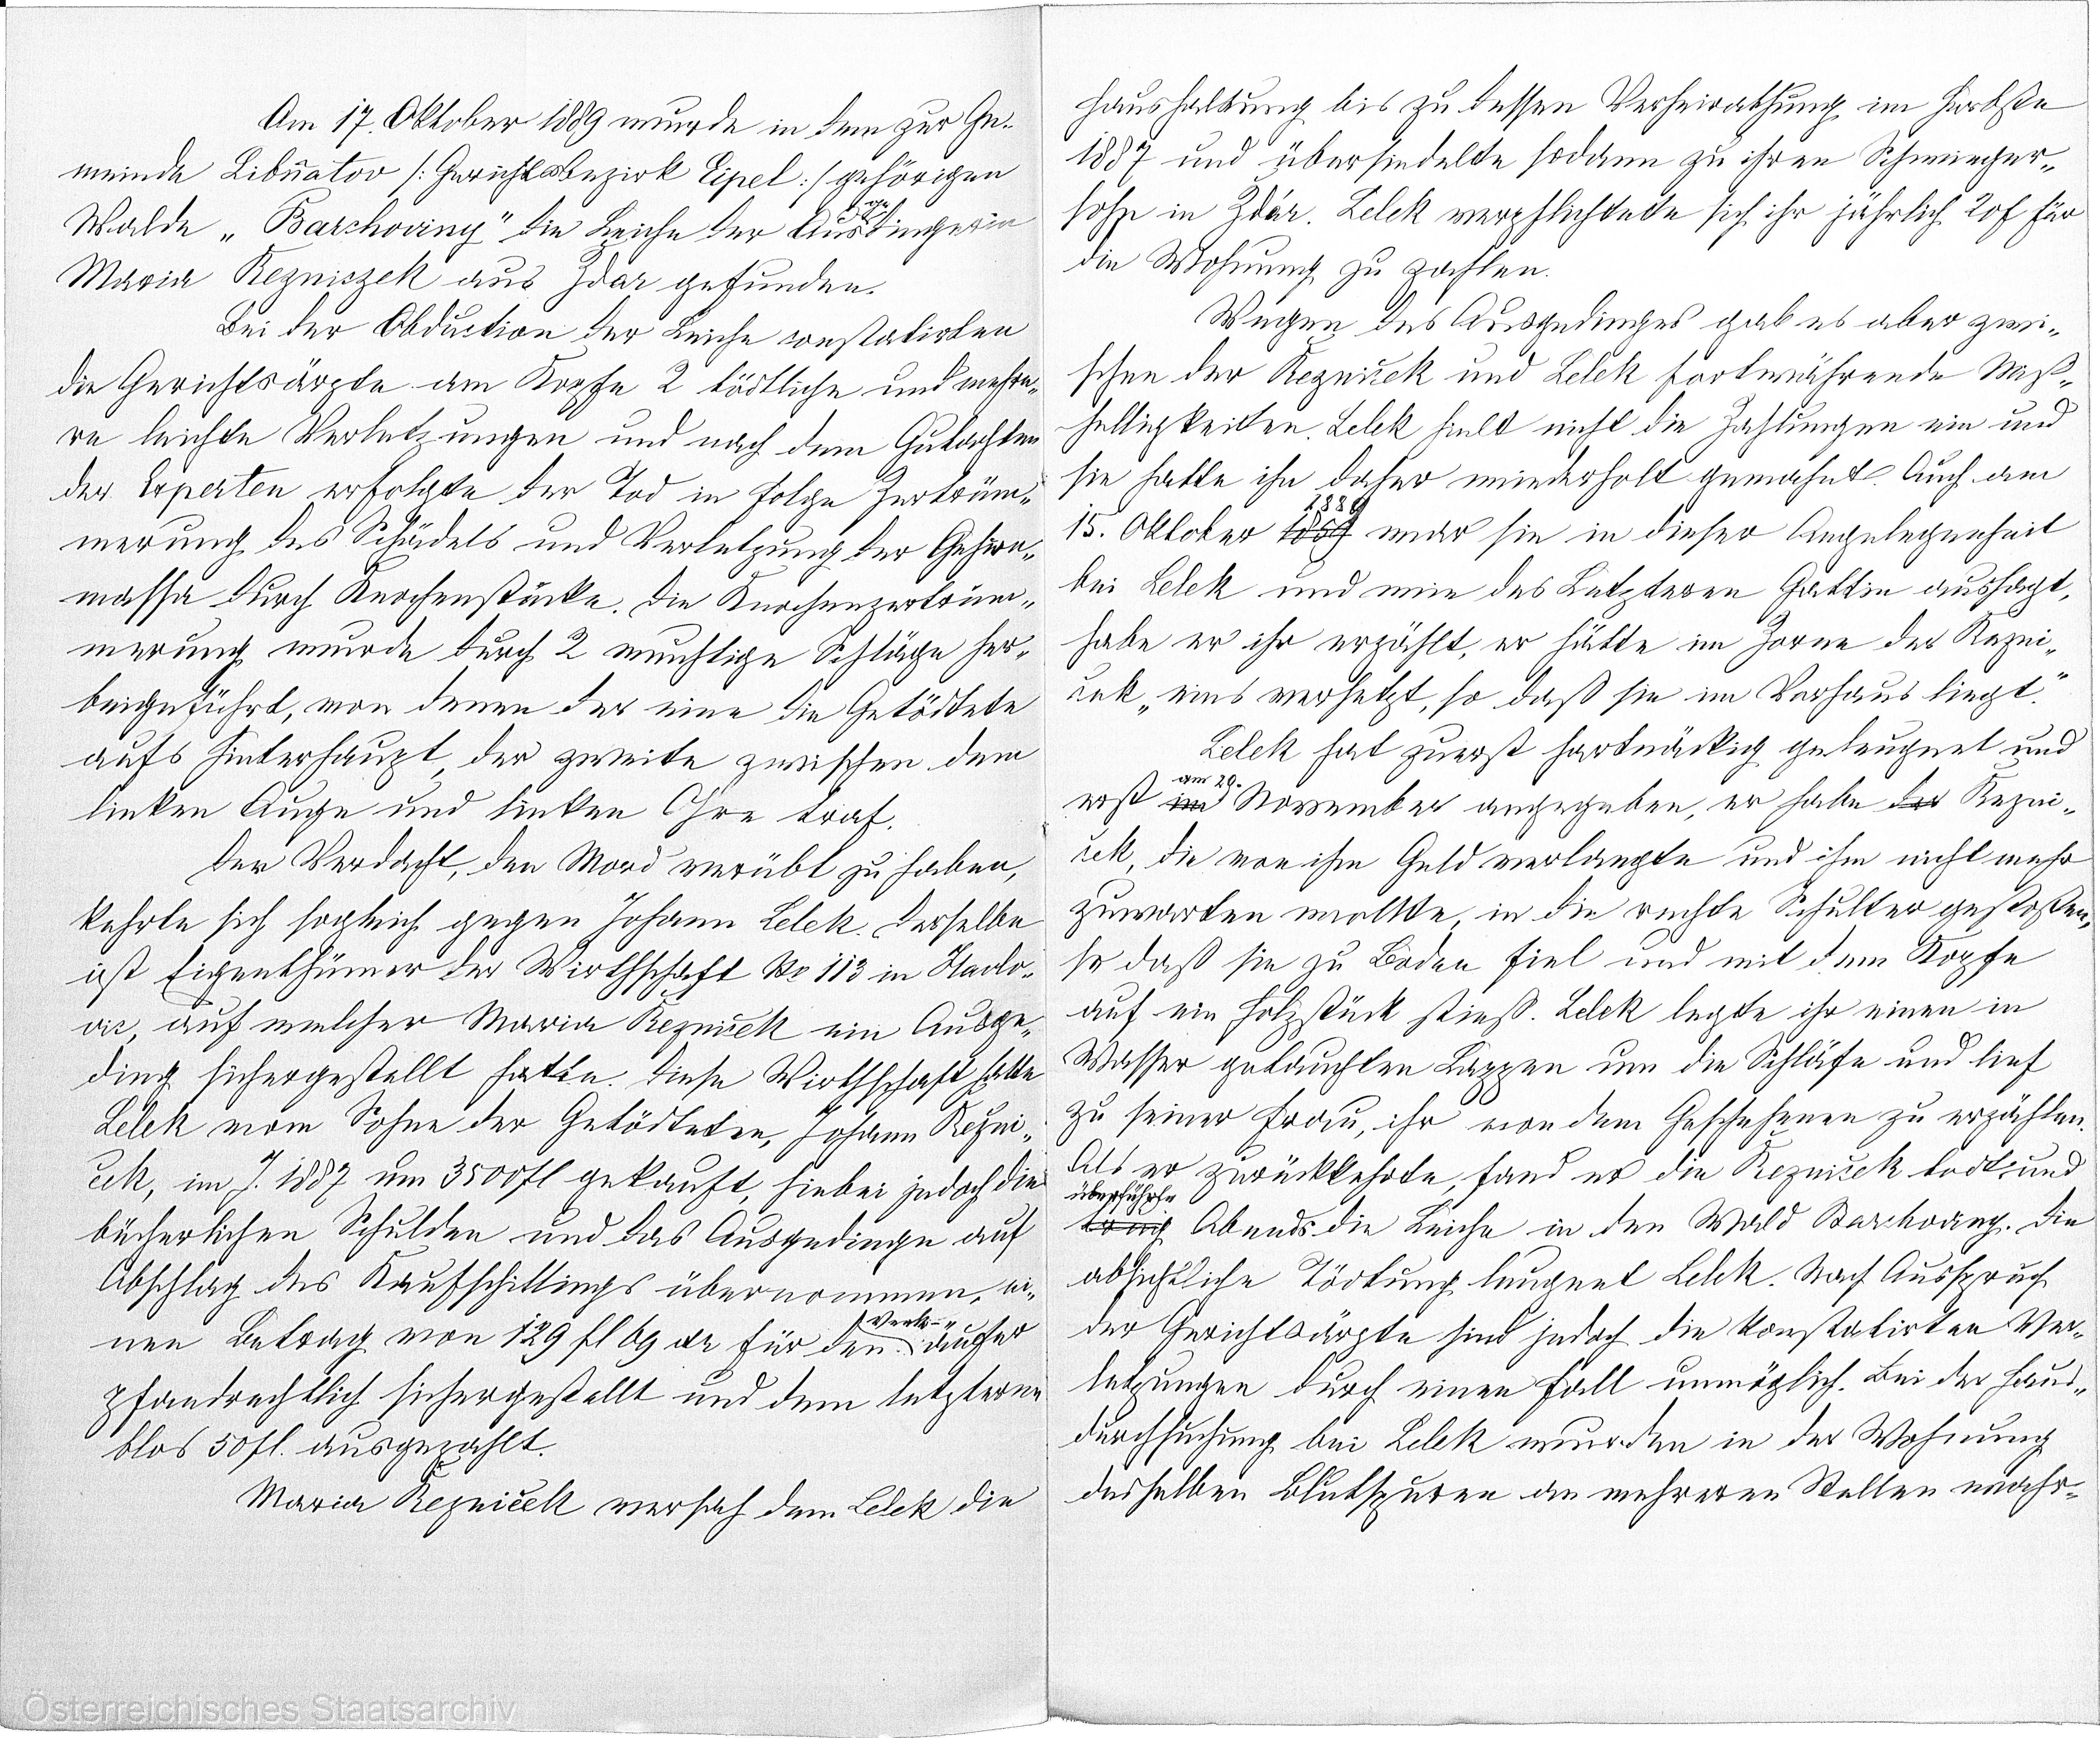Am 17. Oktober 1889 wurde in dem zur Ge¬
meinde Libxxatov /:Gerichsbezirk Eipel:/ gehörigen
ge
Walde „Barchoving" die Leiche der Ausdingerin
Maria Regniczek aus Zdar gefunden.
Bei der Obduction der Leiche constatirten
die Gerichtsärzte am Kopfe 2 tödtliche und mehre¬
re leichte Verletzungen und nach dem Gudachten
der Experten erfolgte der Tod in folge Zertrüm¬
merung des Schädels und Verletzung der Gehxxe¬
massa durch Kerchenstücke. Die Kerchenzerlxxm¬
merung wurde durch 2 wuchtige Schläge her¬
beigeführt, mon denen der eine die Getödtete
aufs Hinterhaupt, der zweite zwischen dem
linken Auge und linken Ohre traf.
Der Verdacht, den Mord verübt zu haben,
kehrte sich sogleich gegen Johann Lelek. desselbe
ist Eigenthümer der Wirthschaft Nr. 113 in Havlo¬
vic, auf welcher Maria Rezniček ein Ausge¬
ding sichergestellt hatte. Diese Wirthschaft hatte
Lelek mom Sohne der Getödteten, Johann Rezni¬
ček, im J. 1887 um 3500 fl gekauft, hiebei jedoch die
bücherlichen Schulden und das Ausgedinge auf
Abschlag des Kaufschillings übernommen, ei¬
Verk
nen Betrag mon 129 fl 69 xx für den äufer
Zfandrechtlich sichergestellt und dem letzterne
blos 50 fl. ausgezahlt.
Maria Rezniček versah dem Lelek die
Haushaltung bis zu dessen Verheirathung im Herbste
1887 und übersiedelte sodann zu ihren Schwieger¬
hofe in Zdár. Lelek verpflichtete sich ihr jährlich Kof für
die Wohnung zu zahlen.
Wegen des Ausgedinges gab es aber zwi¬
schen der Rezniček und Lelek fortwährende Miß¬
helligkeiten Lelek hielt nicht die Zahlungen ein und
sie hatte ihn daher wiederholt gemahnt. Auch am
1889
15. Oktober war sie in dieser Angelegenheit
bei Lelek und wie des Letzteren Gattin aussagt,
habe er ihr erzählt, er hätte im Zorne der Rezni¬
ček-eins versetzt, so daß sie im Verhaus liegt."
Lelek hat zuerst hartnäckig geleugnet und
am 29.
erst November angegeben, er habe Rezni¬
ček, die mon ihm Geldverlangte und ihm nicht mehr
zuwarten wollte, in die rechte Schulter gestoßen,
so daß sie zu Boden Fiel und mit dem Kopfe
auf ein Holzstück stieß. Lelek leyte ihr einen in
Wasser gelauchten Lappen um die Schläfe und lief
zu seiner Frau, ihr mon dem Geschehenen zu erzählen.
Als er zurückkehrte, fand er die Rezniček todt und
überführte
Abends die Leiche in den Wald Barchoding. Die
absichtliche Tödtung leugnet Lelek. Nach Ausspruch
der Gerichtsärzte sind jedoch die konstatirten Ver¬
letzungen durch einen Fall unmöglich. Bei der Haus¬
durchsuchung bei Lelek wurden in der Wohnung
desselben Blutspuren an mehreren Stellen wahr¬